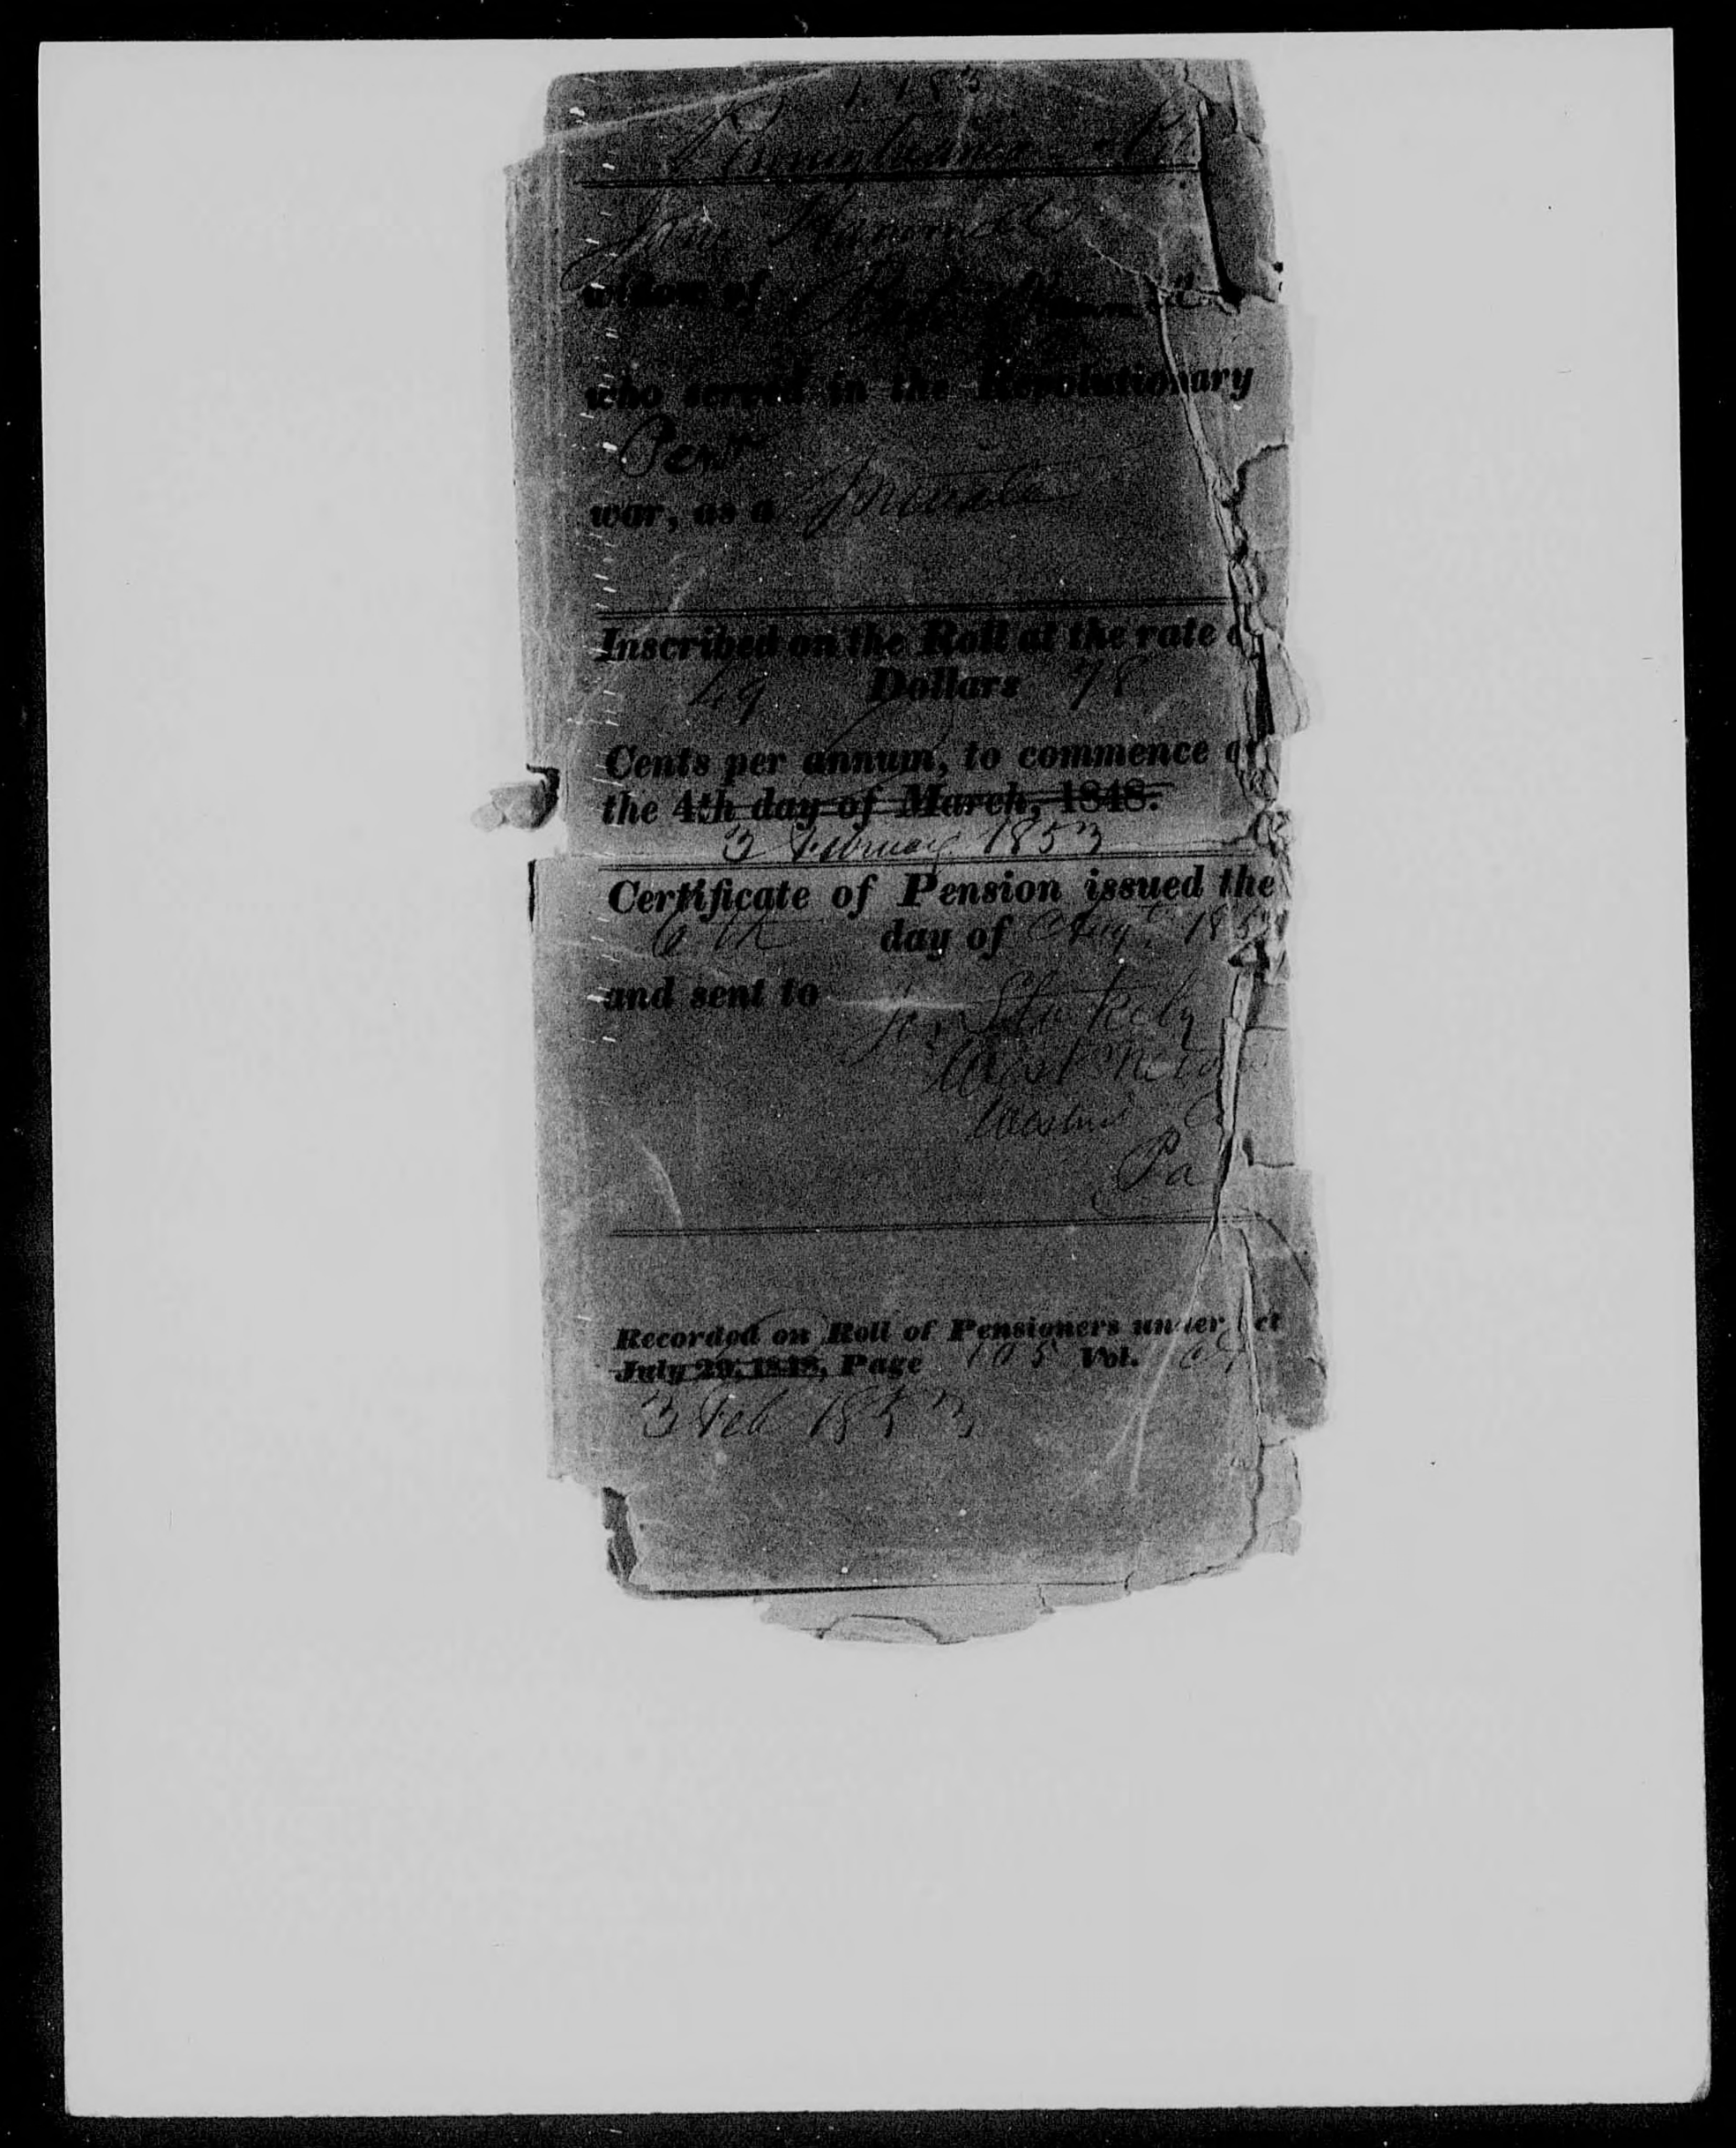[illegible - copy too dark to read]

Inscribed on the Roll at the rate of
49 Dollars 78
Cents per annum, to commence on
the 4th day of March, 1848 [crossed out]
3 February 1853 [handwritten change]

Certificate of Pension issued the 
6th day of [illegible], 185 [illegible]
and sent to John Stokely
West Newton
Washington County
Pa

Recorded on Roll of Pensioners under [illegible]
July 29, 1848 [corssed out] Page 105 Vol. [illegible]
3 February 1853 [handwritten change]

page: 76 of 92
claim: widow's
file: W 1173, Robert Hamill, Penn.